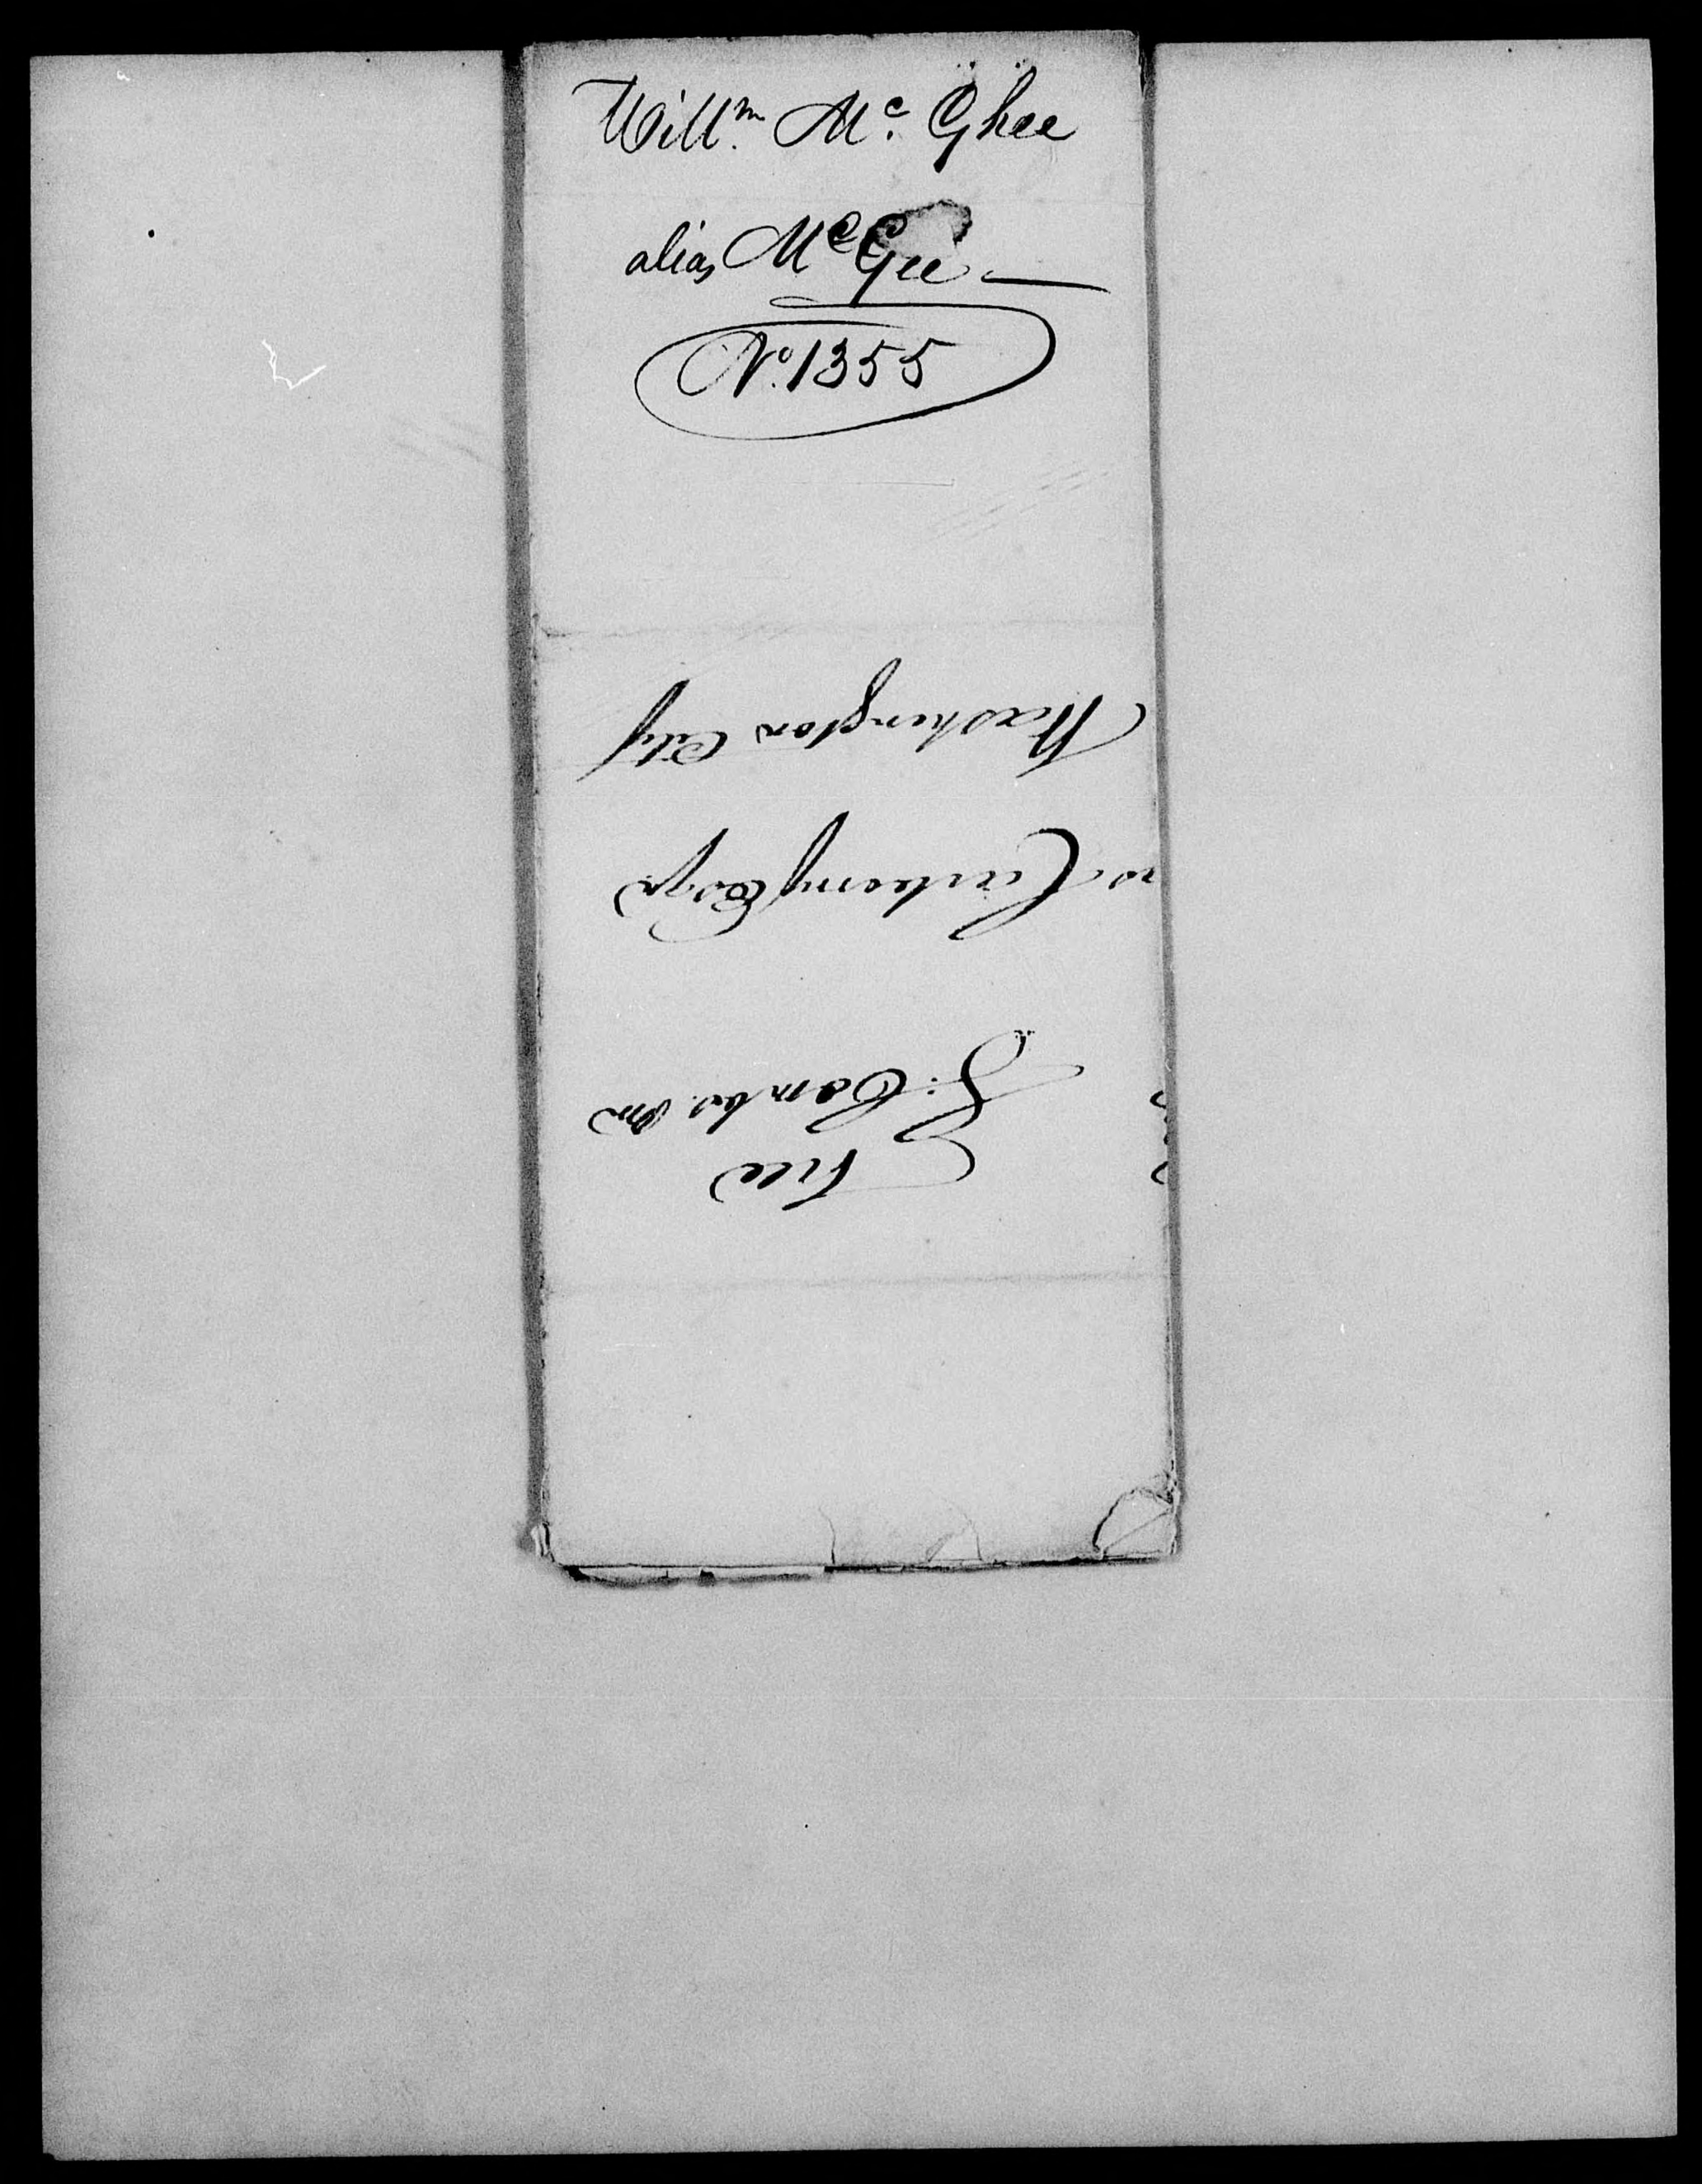Willm. McGhee
alias McGee
No. 1355

[written upside down] Free
S. Combs PM
Carberry Esq.
Washington City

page: 11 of 17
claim: survivor's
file: S. 34980, for William Mc Gee, Maryland